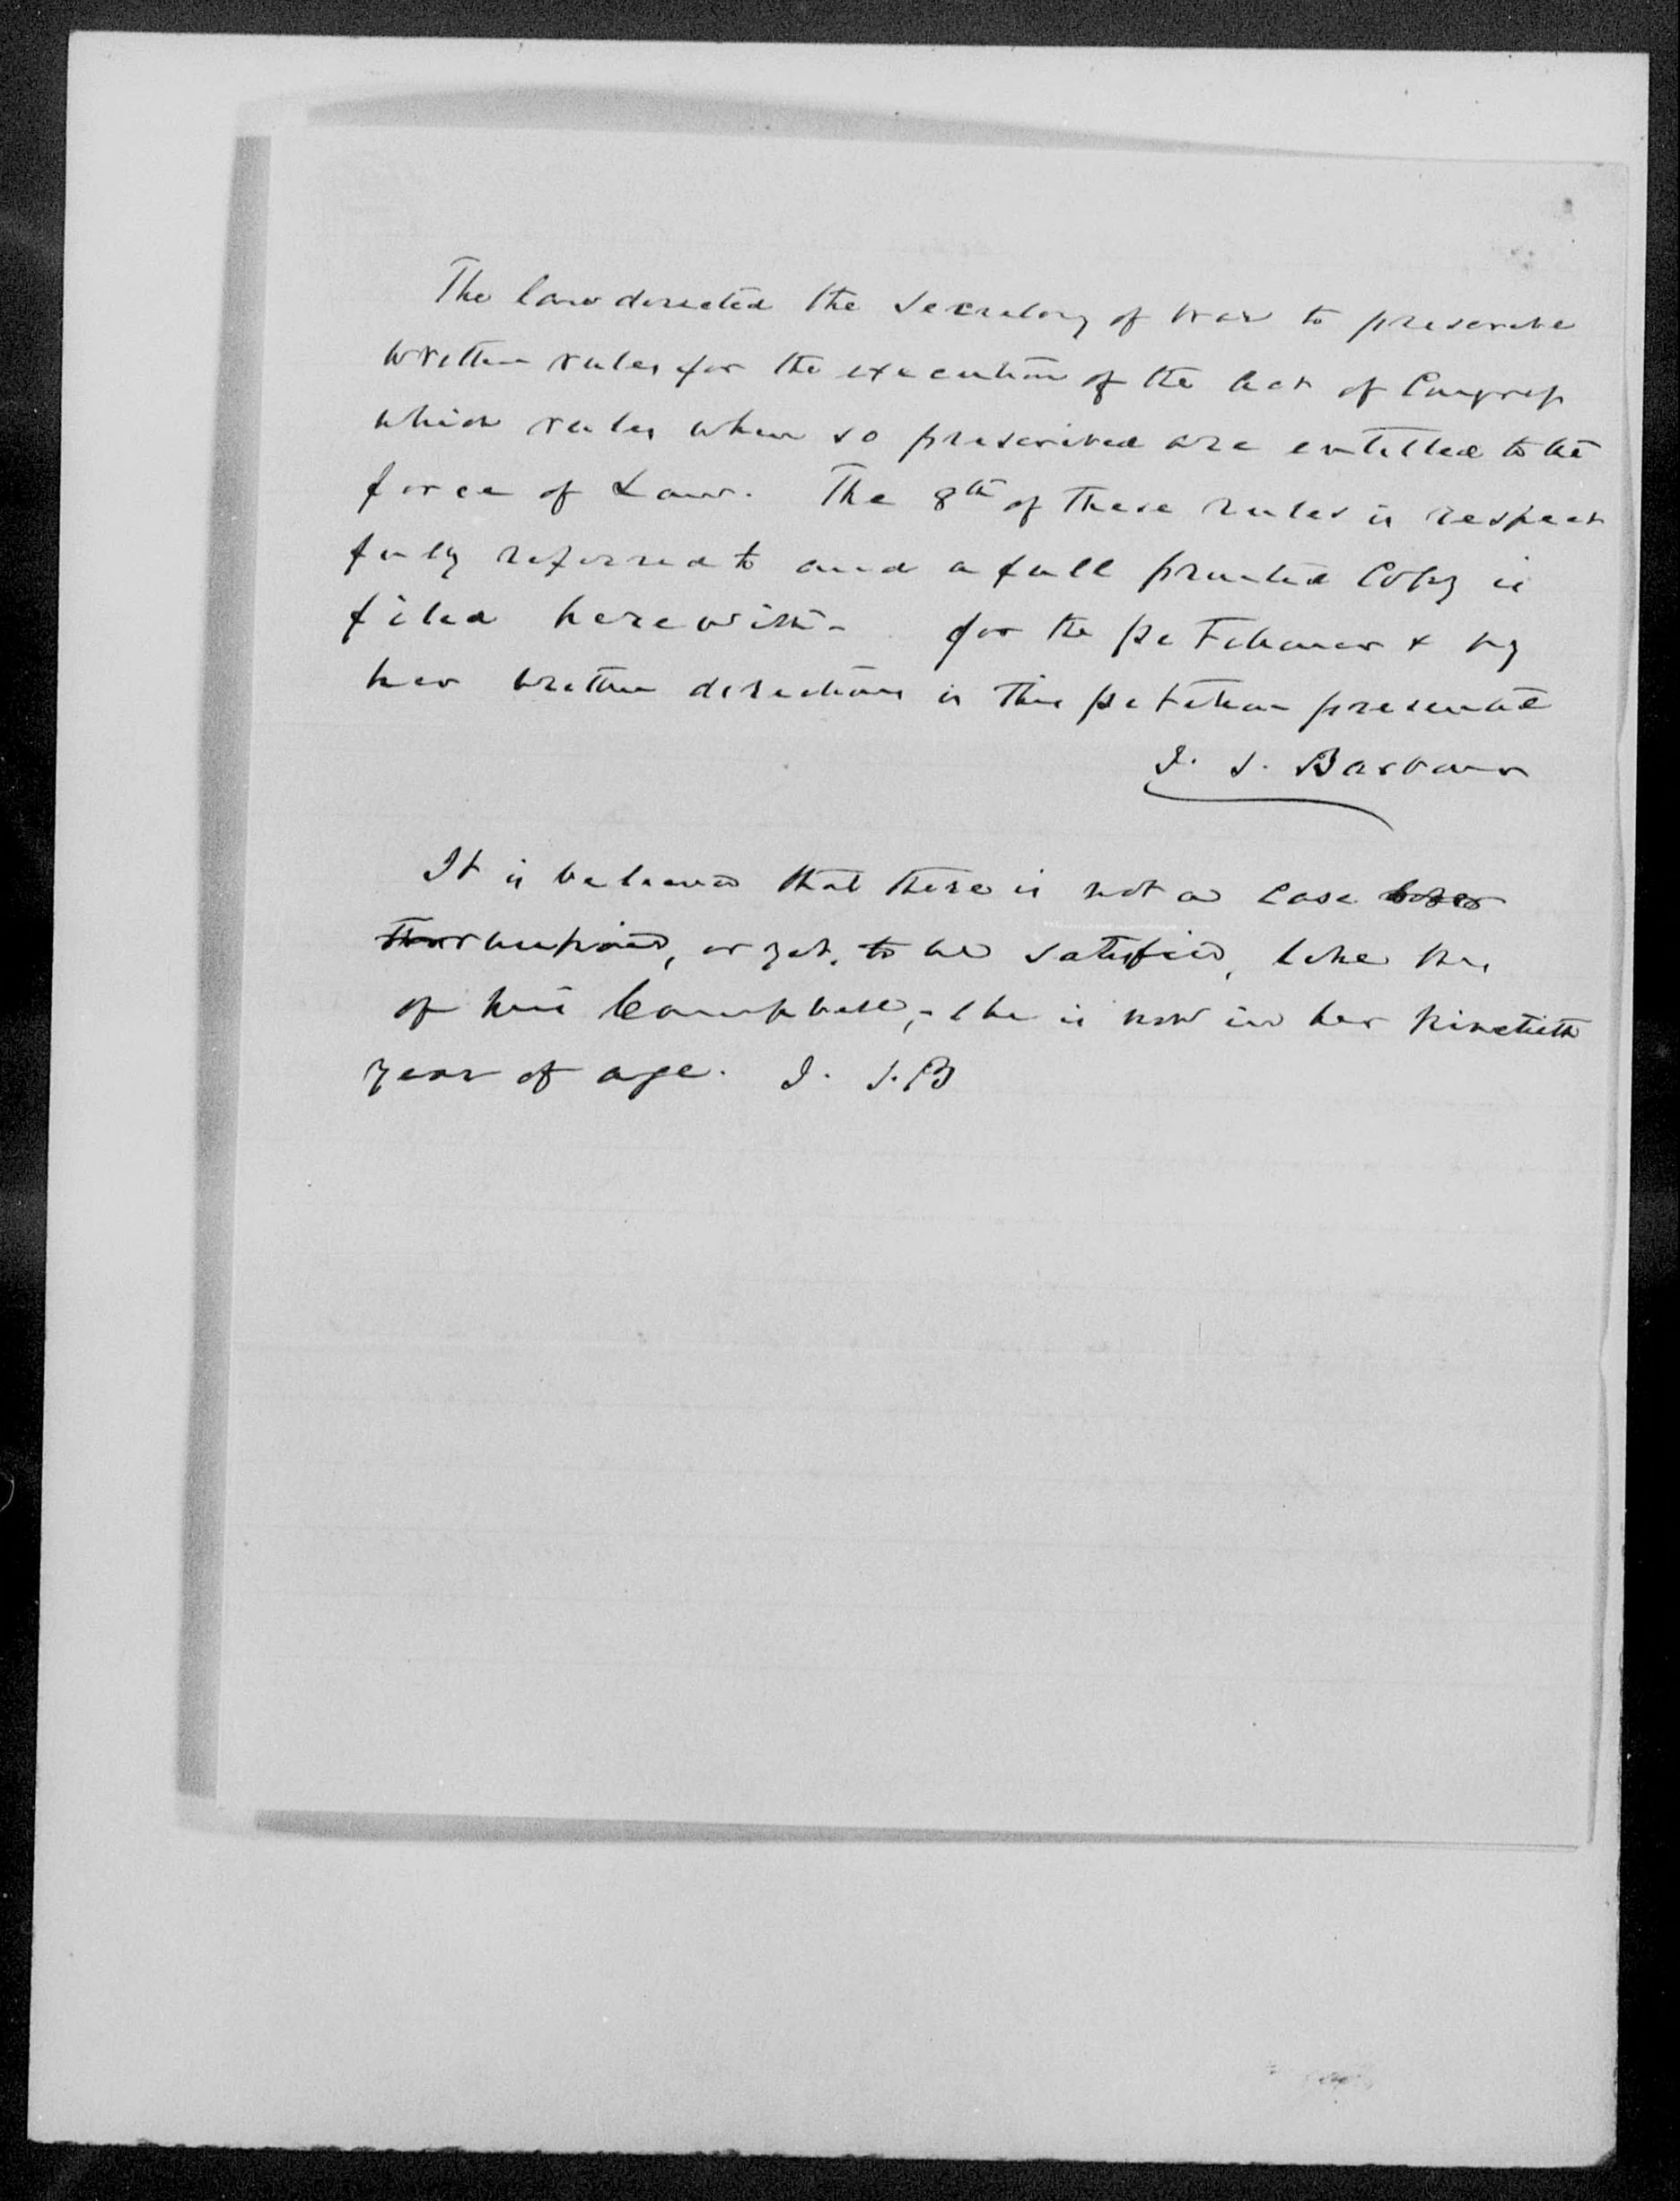The law directed the Secretary of War to preserve written rules for the execution of the Act of Congress which rules when so prescribed are entitled to be force of Law.  The 8th of these rules is respectfully referred to and a full printed copy is filed herewith. --  for the petitioner +[and] by her written directions in this petition presented
J.S. Barbour


It is believed that there is not a case [illegible one word and part of a second crossed out] unpaid, or yet to be satisfied, like this of Mrs Campbell, - she is now in her ninetieth year of age.    J. S. B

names: J S, J S Barbour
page: 139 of 267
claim: widow's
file: W. 4,149, William Campbell, Va.